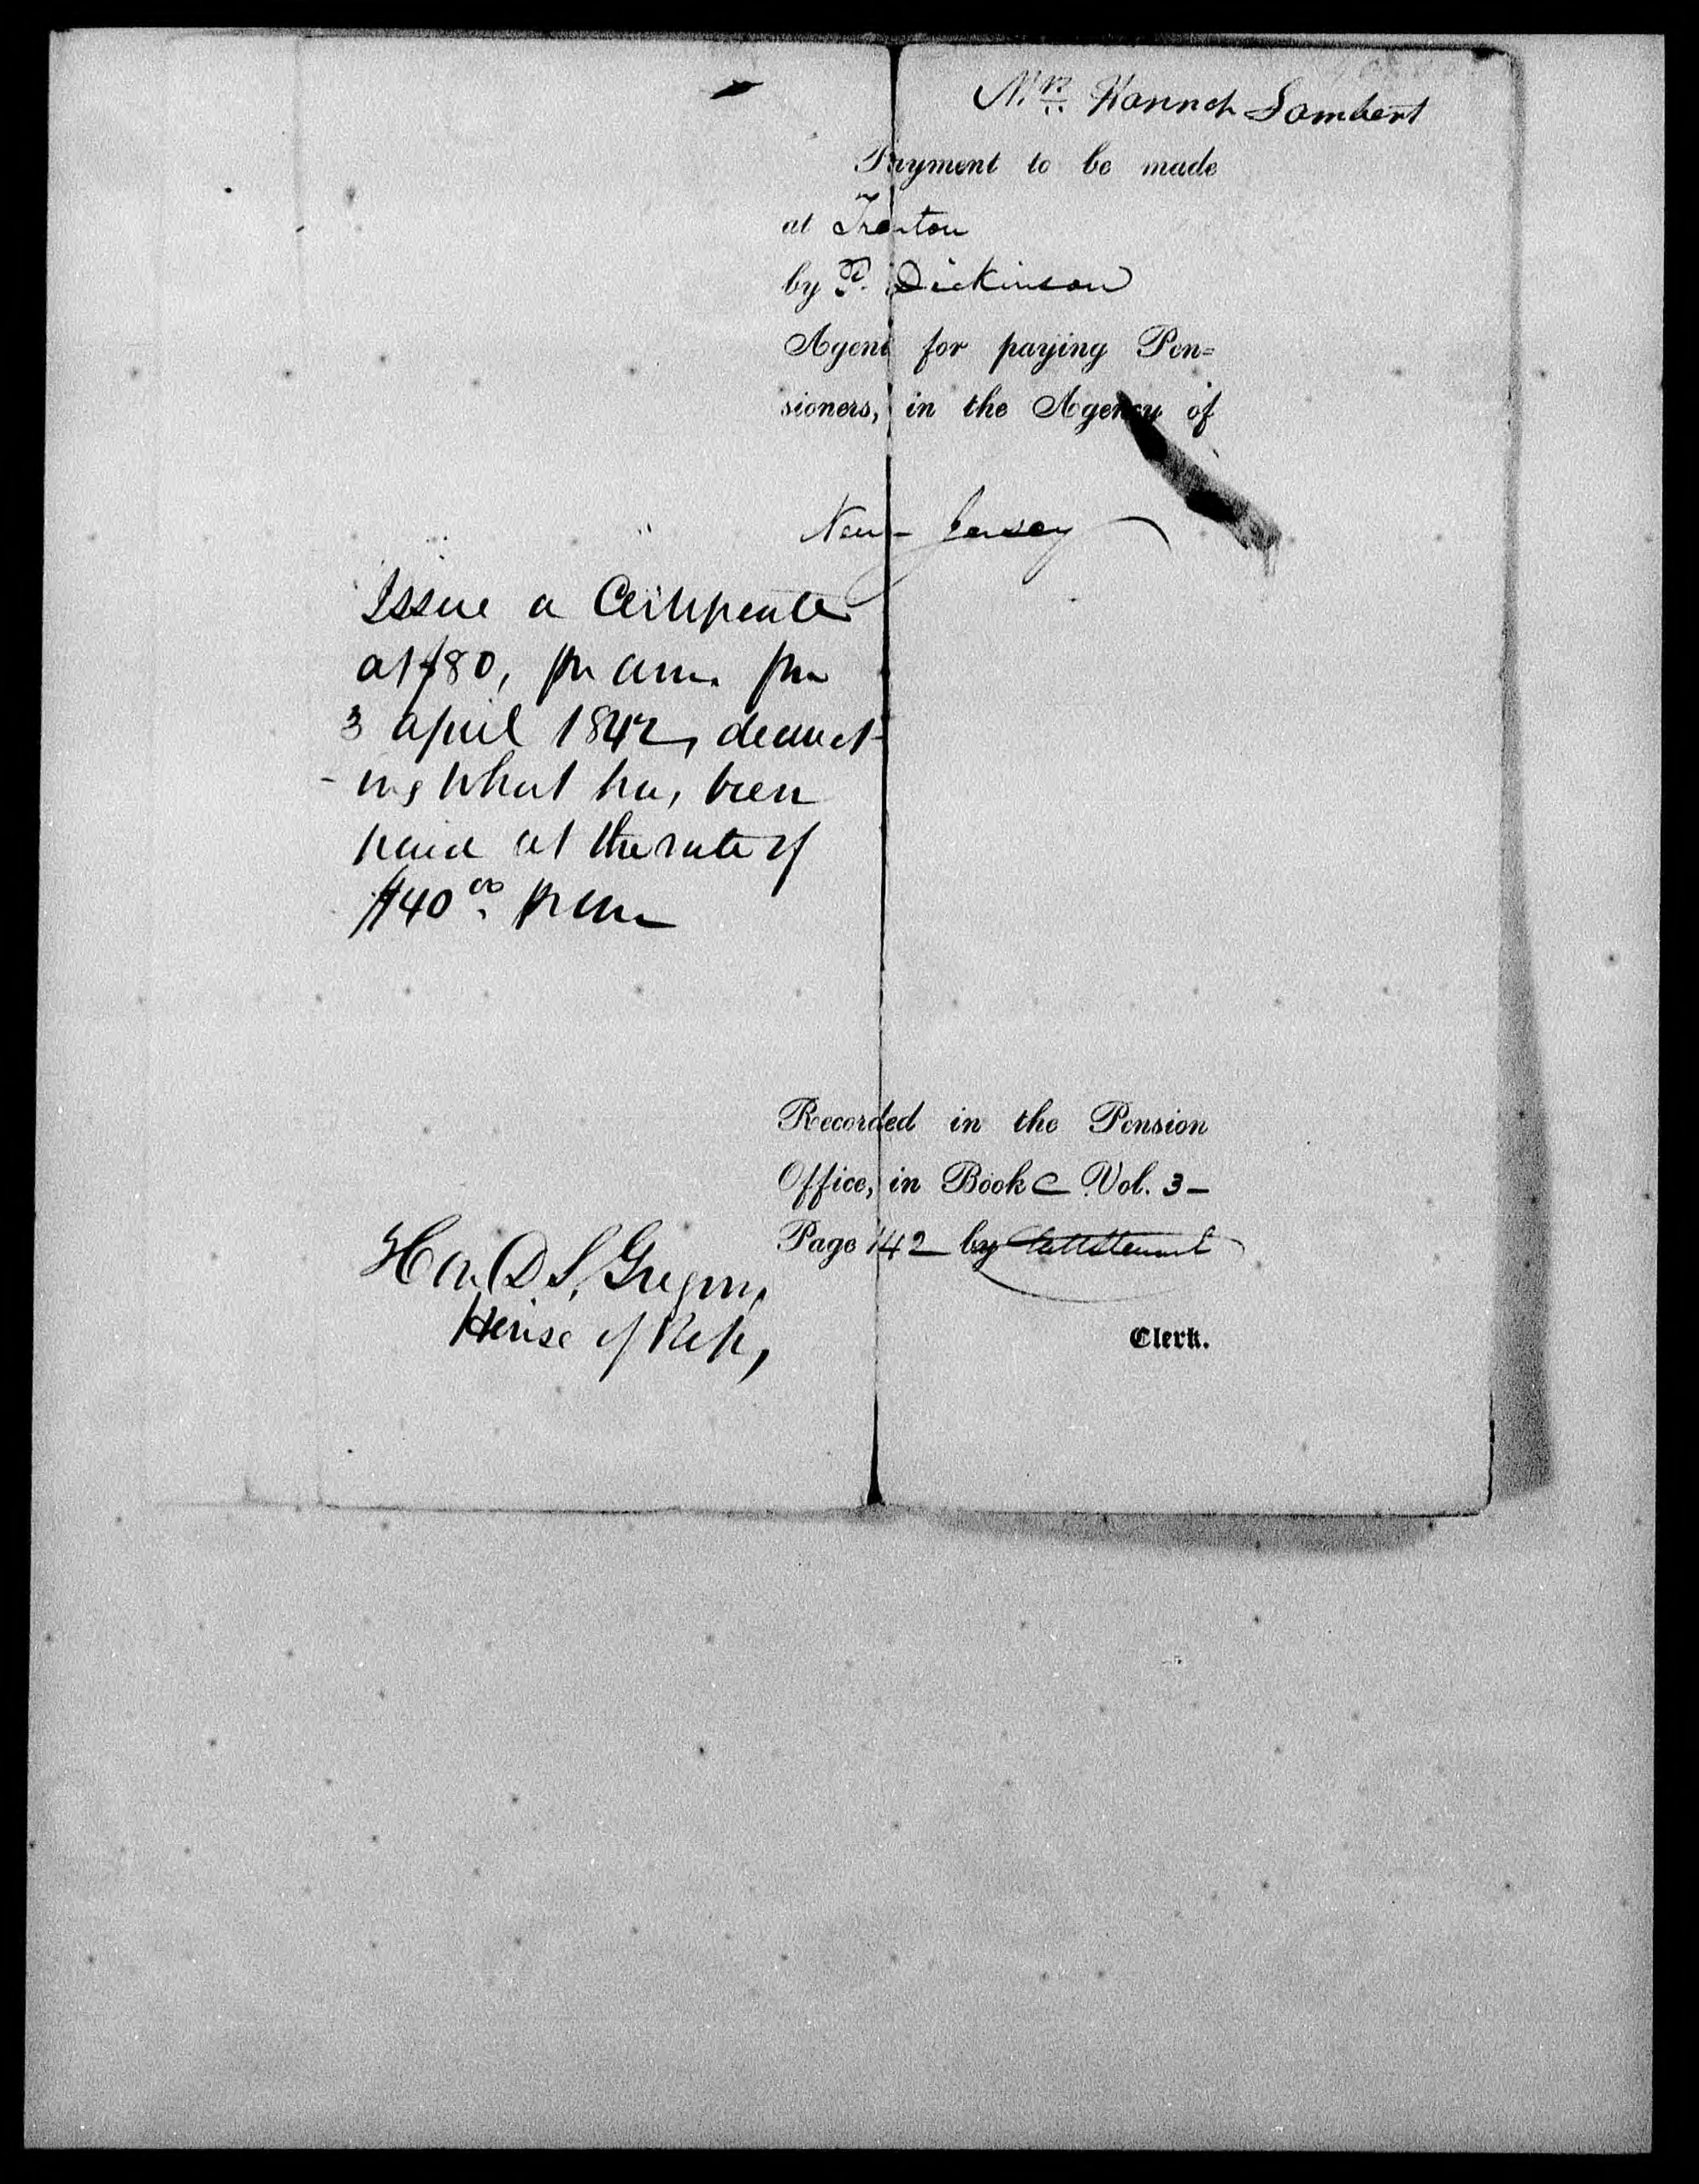Mrs Hannah Lambert
Payment to be made at Trenton
by P. Dickinson
Agent for paying Pensioners in the Agency
of New Jersey
Issue a certificate at $80, per annum for
3 April 1842 deducting what has been
paid at the rate of $40th 
Hon D.S. Grigin
House of Rep

Recorded in the Pension
Office, in Book C Vol. 3-
Page 142 by [illegible] Stewart
Clerk.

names: P Dickinson; Hannah Lambert; D S Gregory; H M Stewart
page: 40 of 49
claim: widow's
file: W. 859, for James Lambert, New Jersey